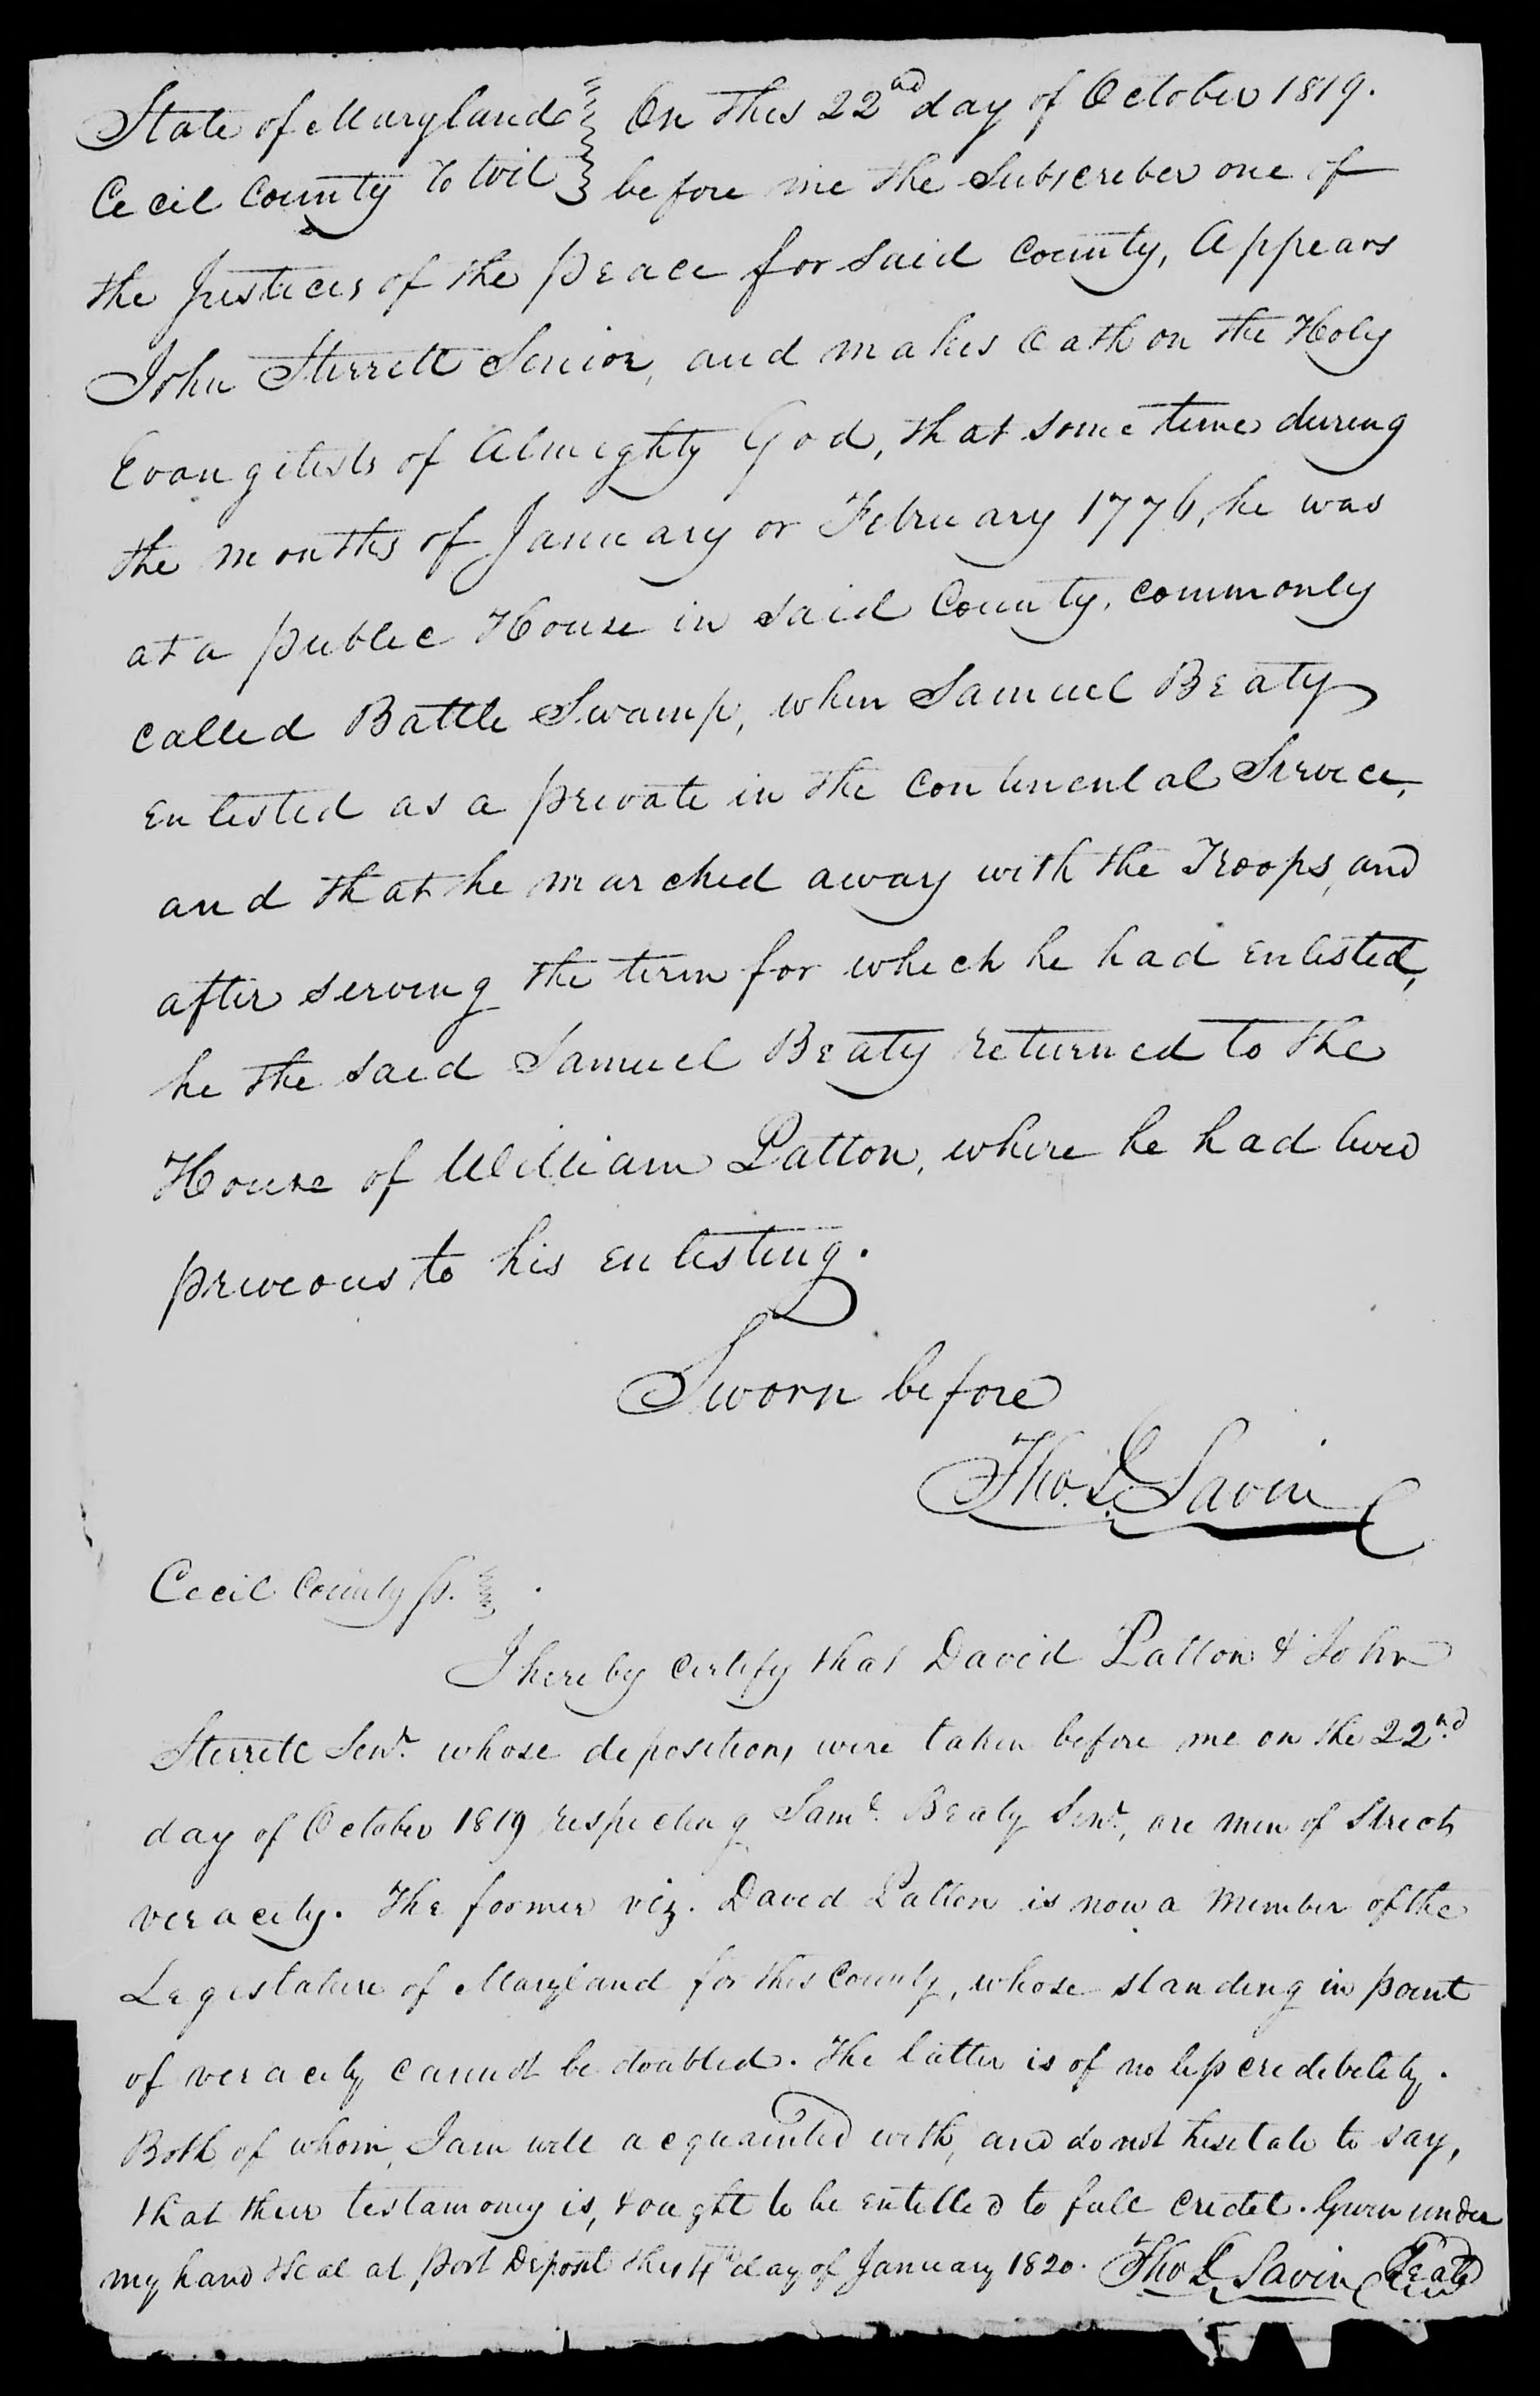State of Maryland
Cecil County
On this 22nd day of October 1819. before me the Subscriber, one of the Justices of the Peace for said County, appears John Sterrett Senior, and makes oath on the Holy Evangelists of Almighty God, that sometime during the months of January or February 1776, he was
at a public House in said County, commonly
called Battle Swamp, when Samuel Beaty
enlisted as a private in the continental Service,
and that he marched away with the Troops, and after serving the term for which he had enlisted, he, the said Samuel Beaty, returned to the House of William Patton, where he had lived previous to his enlisting.
Sworn before Thos. L. Savine
Cecil County ss.
I hereby certify that David Patton & John
Sterrett Snr. whose depositions were taken before me on the 22nd day of October 1819 respecting Saml Beaty Snr, are men of strict
veracity. The former viz David Patton is now a member of the Legislature of Maryland for this County, whose standing in point of veracity cannot be doubted. The latter is of no less credible. Both of whom I am well-acquainted with, and do not hesitate to say that their testimony is & ought to be entitled to full credit. 
Given under my hand & seal at Port Deport this 4th day of January 1820. Thos L. Savine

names: John Sterrett, Tho L Savine, Samuel Beaty, David Patton, William Patton, Tho L Savine, David Patton, John Sterrett, Samuel Beaty, Saml Beaty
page: 25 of 31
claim: survivor's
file: S. 34646, Samuel Beaty, Penn.